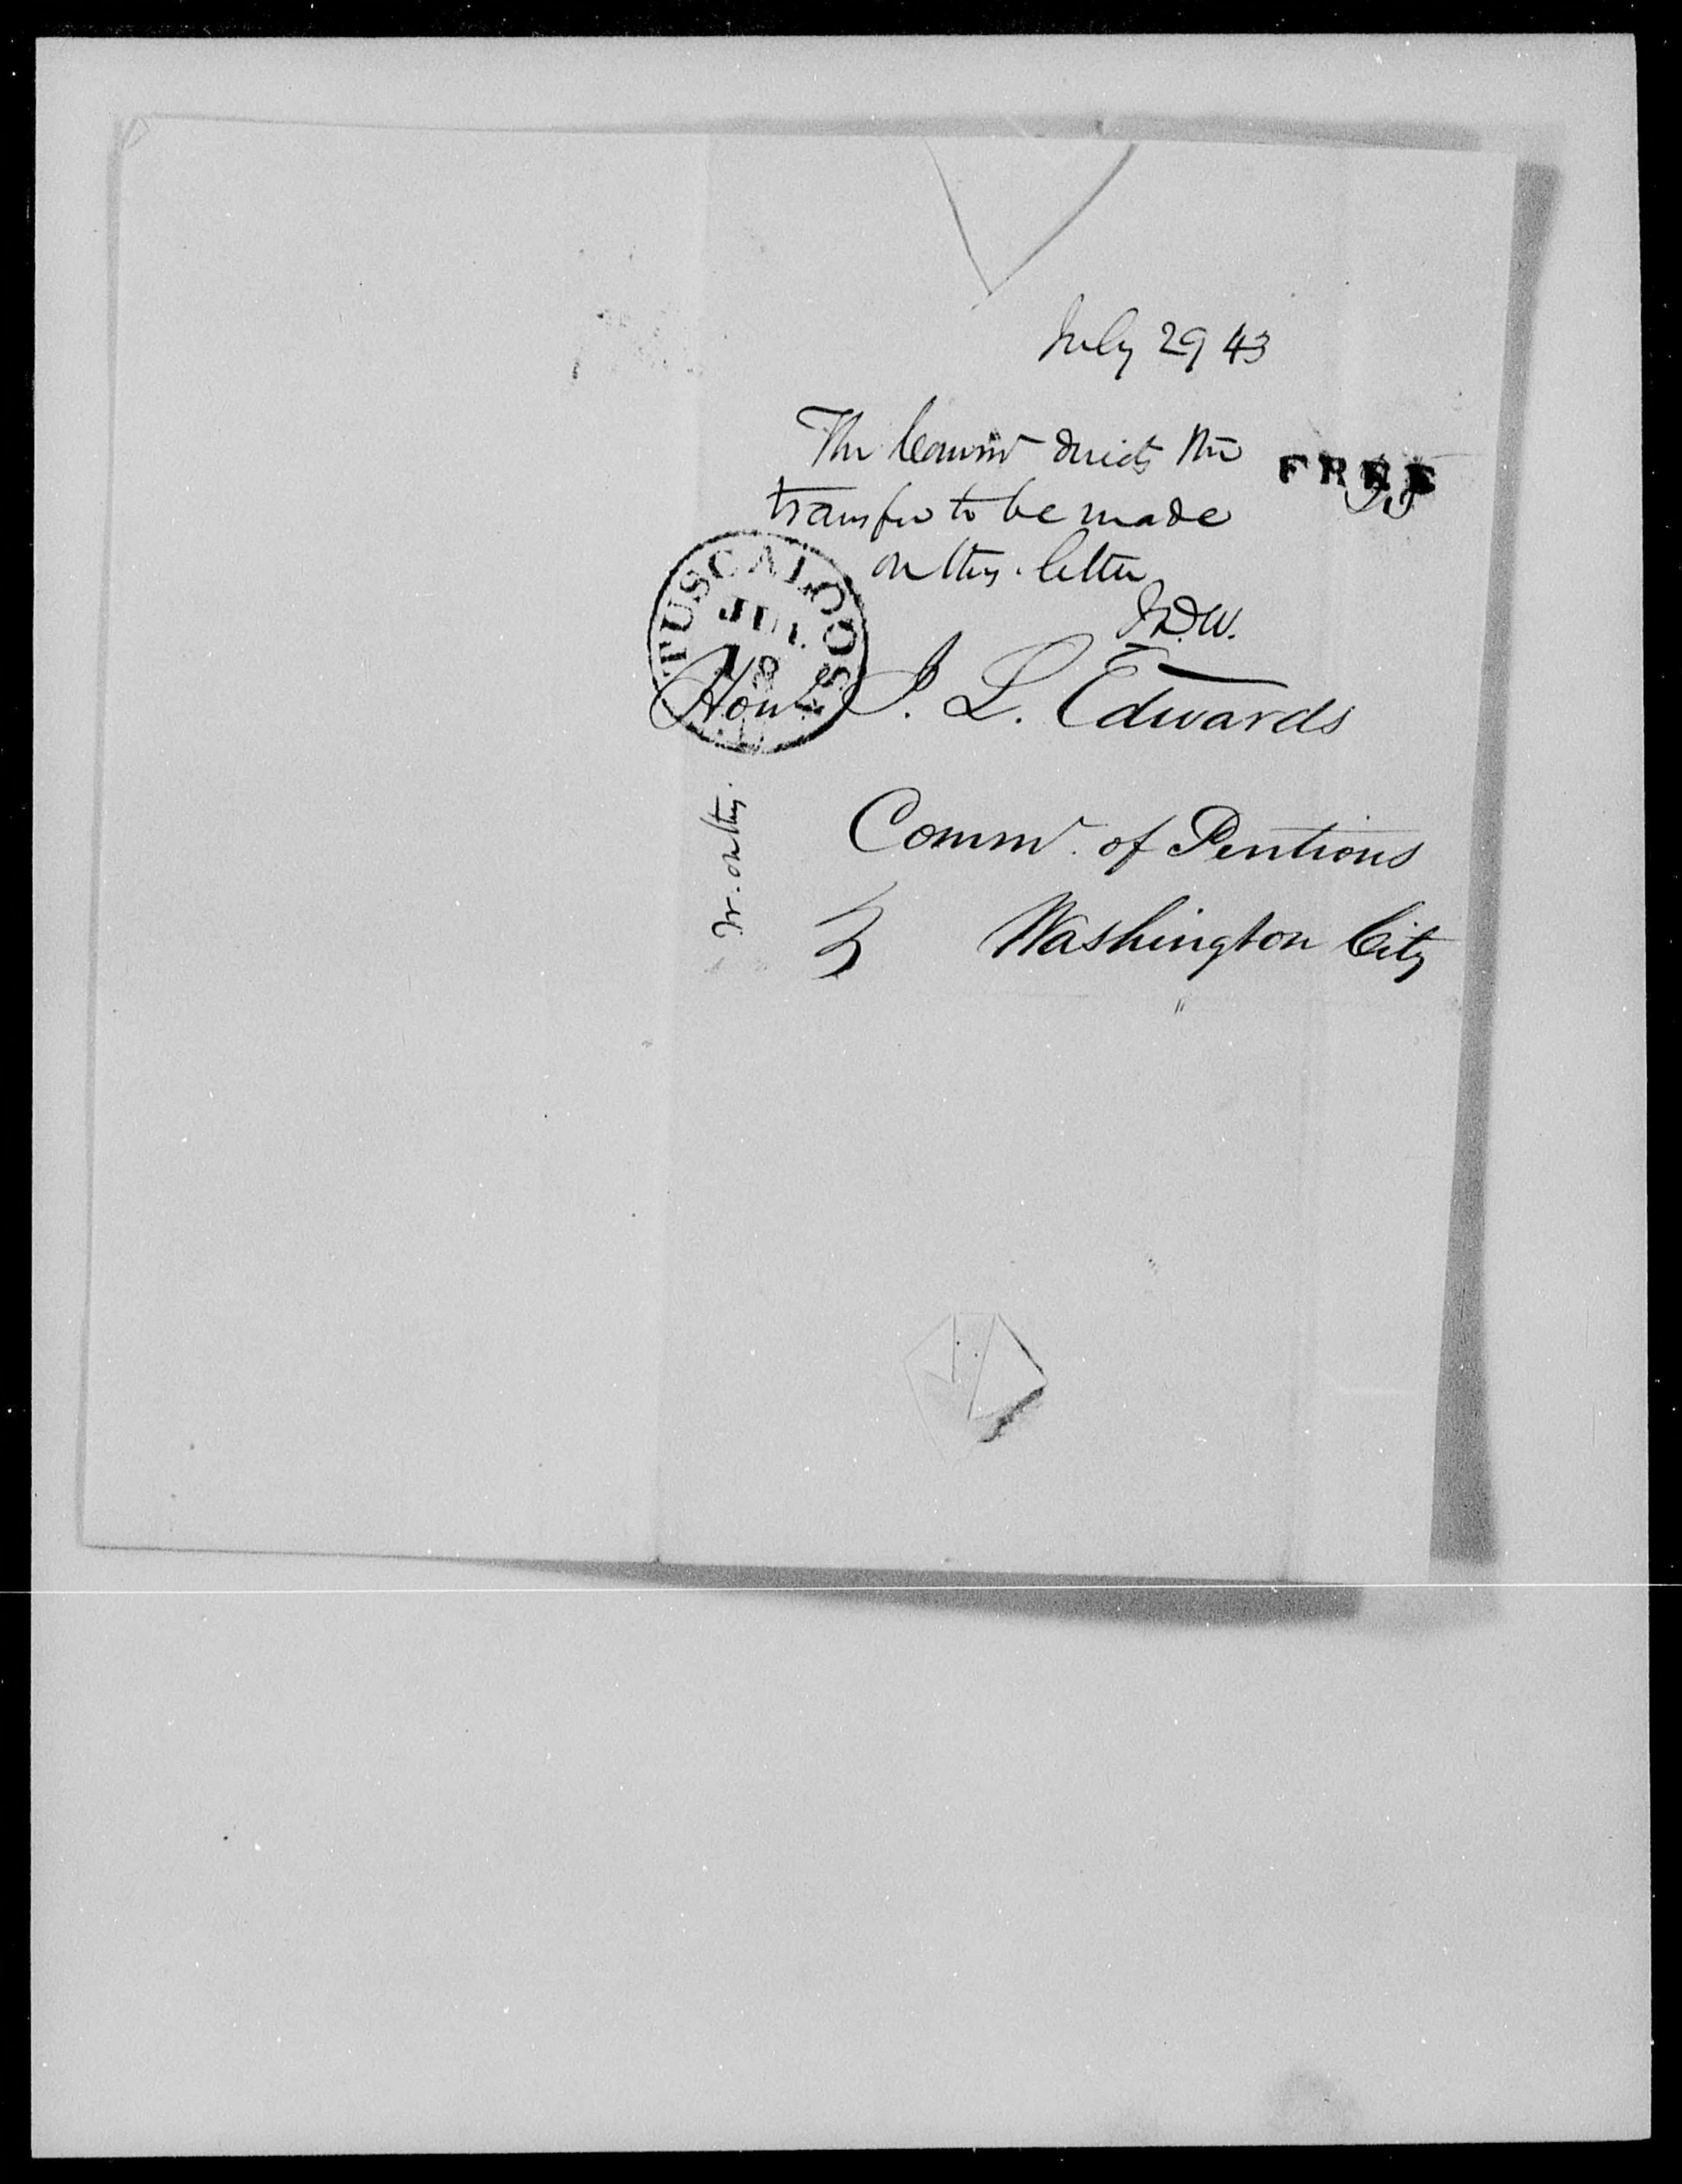July 29 43
The Commr [illegible]
transfer to be made
on this letter
JDW
Hon J.L. Edwards
Commr of Pentions
Washington City
[stamp] TUSCALOOSA JUN 18
w onthey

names: J L Edwards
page: 20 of 25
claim: survivor's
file: S. 38109, for Thomas Keates, Maryland